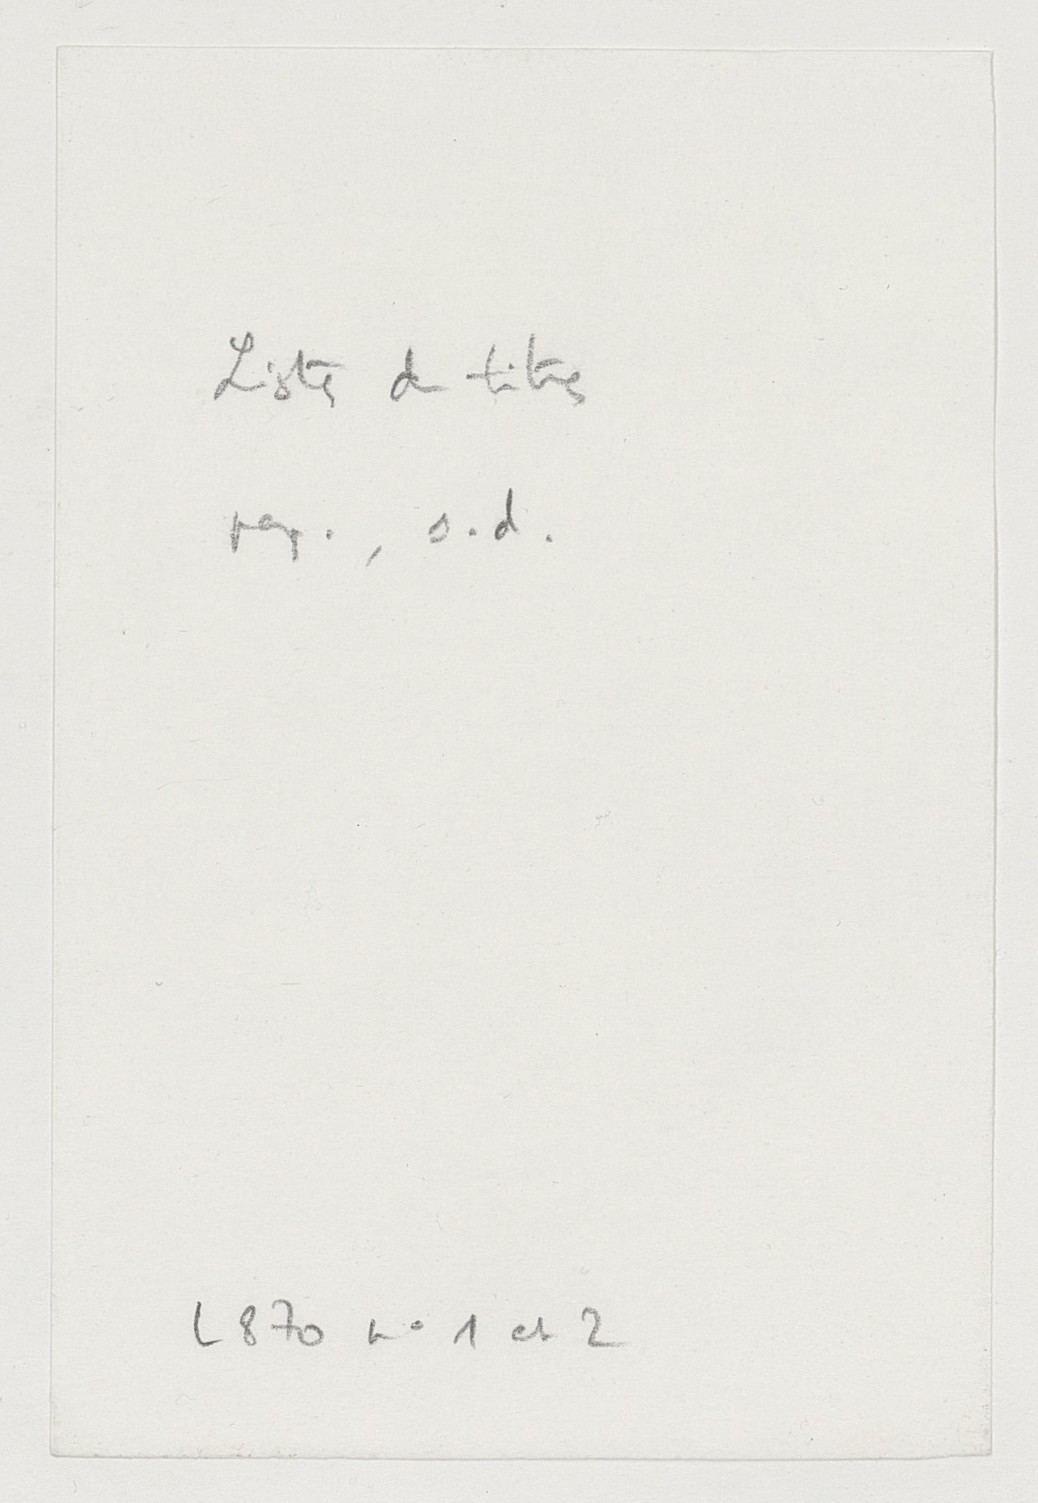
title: Listes de titres
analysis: pap., s.d.
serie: L
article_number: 870
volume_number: n° 1 et 2
